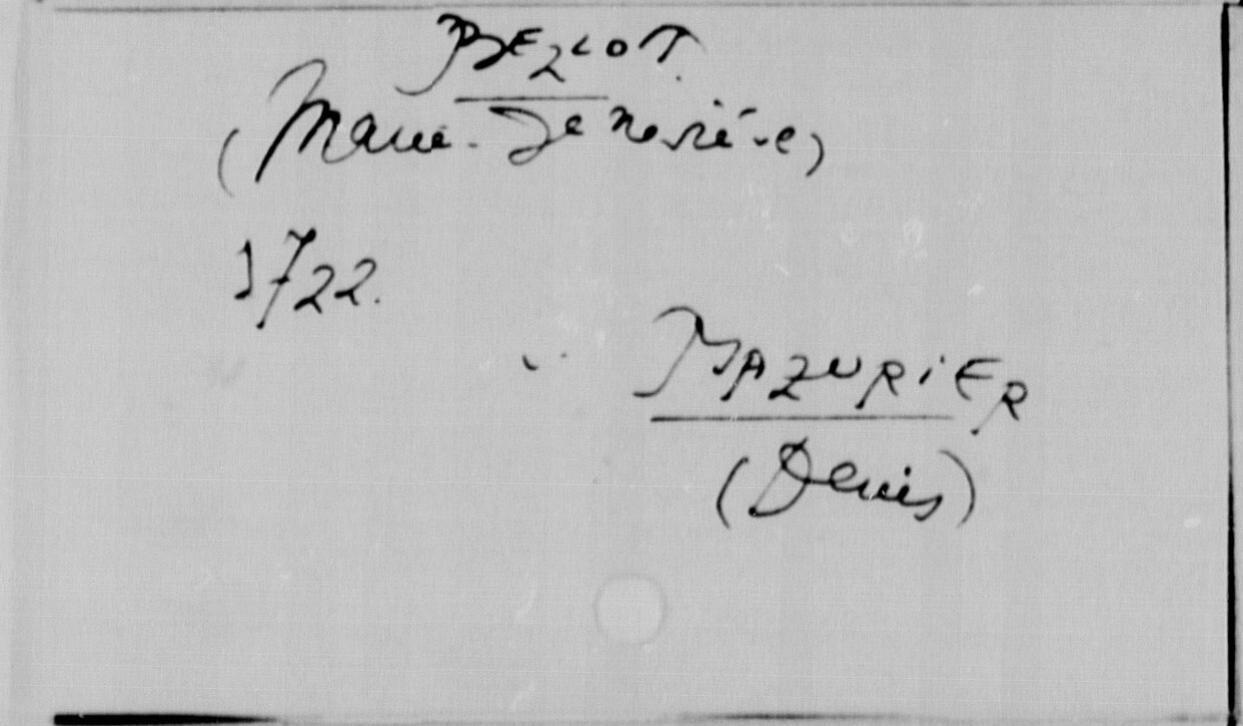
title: BELLOT (Marie-Geneviève)
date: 1722
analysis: Voir MAZURIER (Denis)
